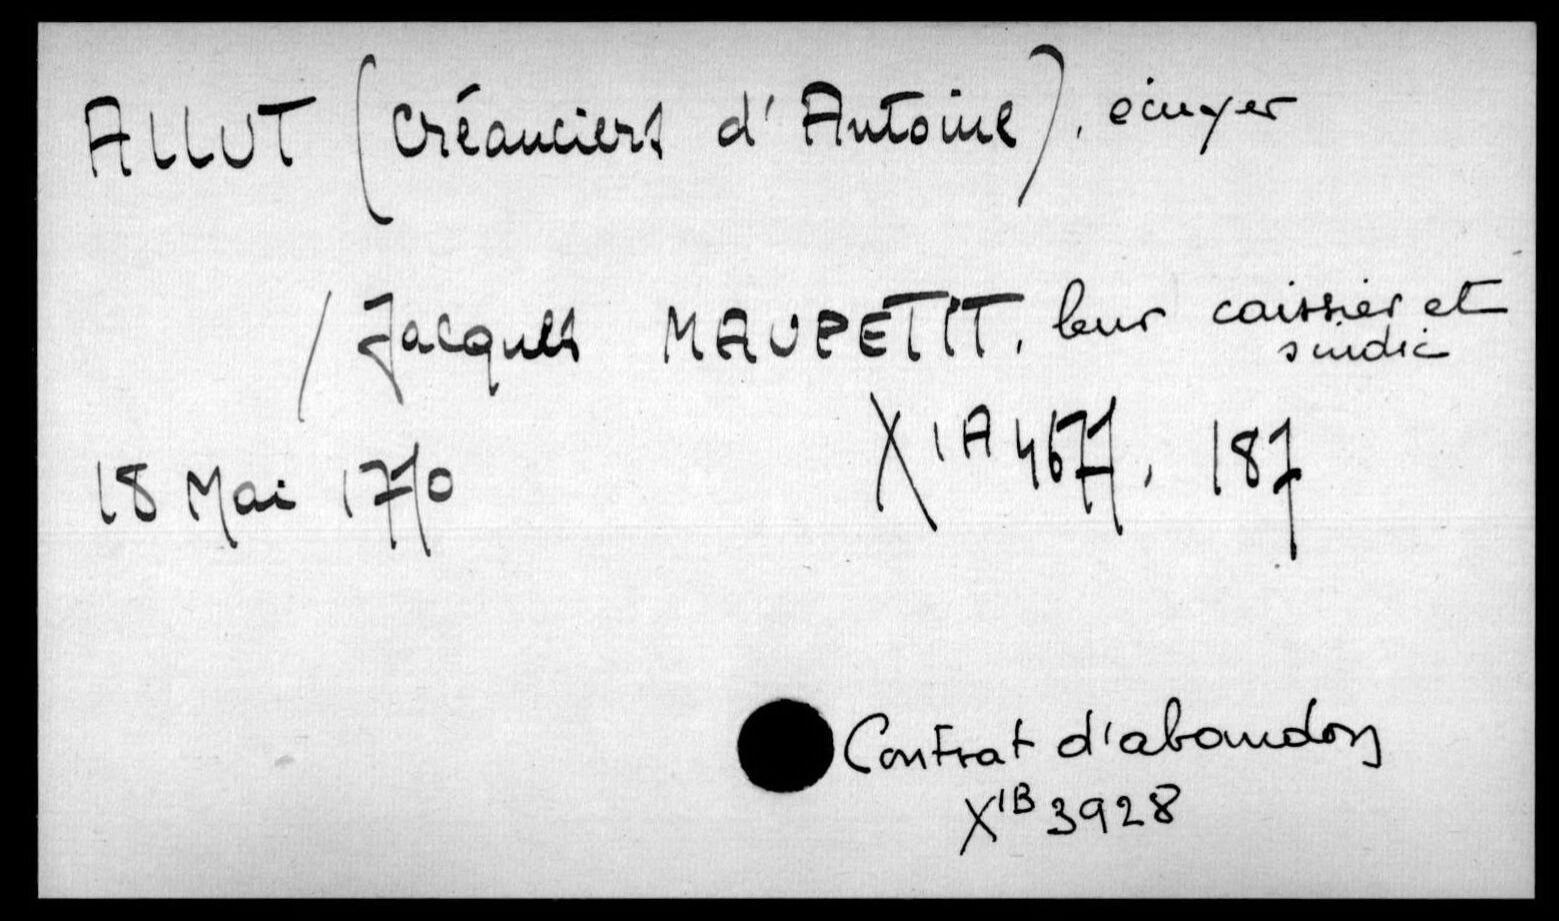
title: ALLUT (créanciers d'Antoine), écuyer
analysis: Contre Jacques MAUPETT, leur caissier et sindic
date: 18 mai 1770
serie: X1A
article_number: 4677
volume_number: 187
